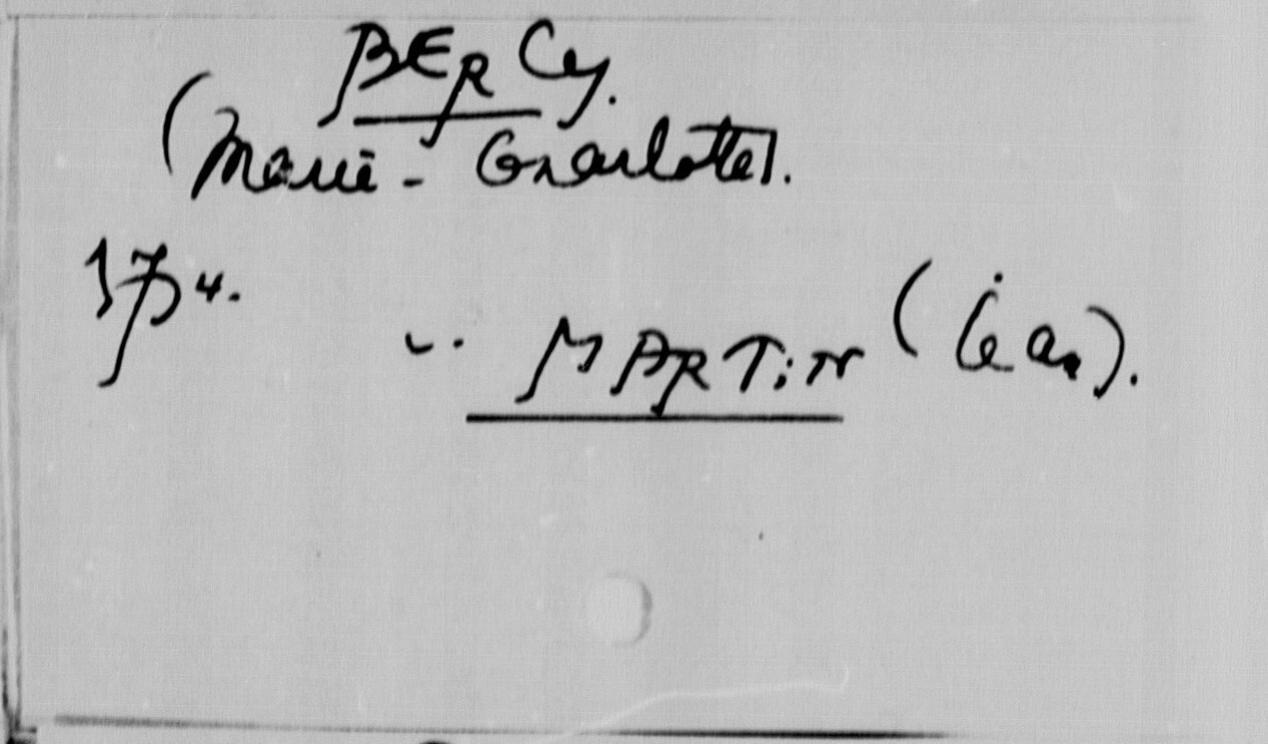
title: BERCY (Marie-Charlotte)
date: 1714
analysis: Voir : MARTIN (Jean)
